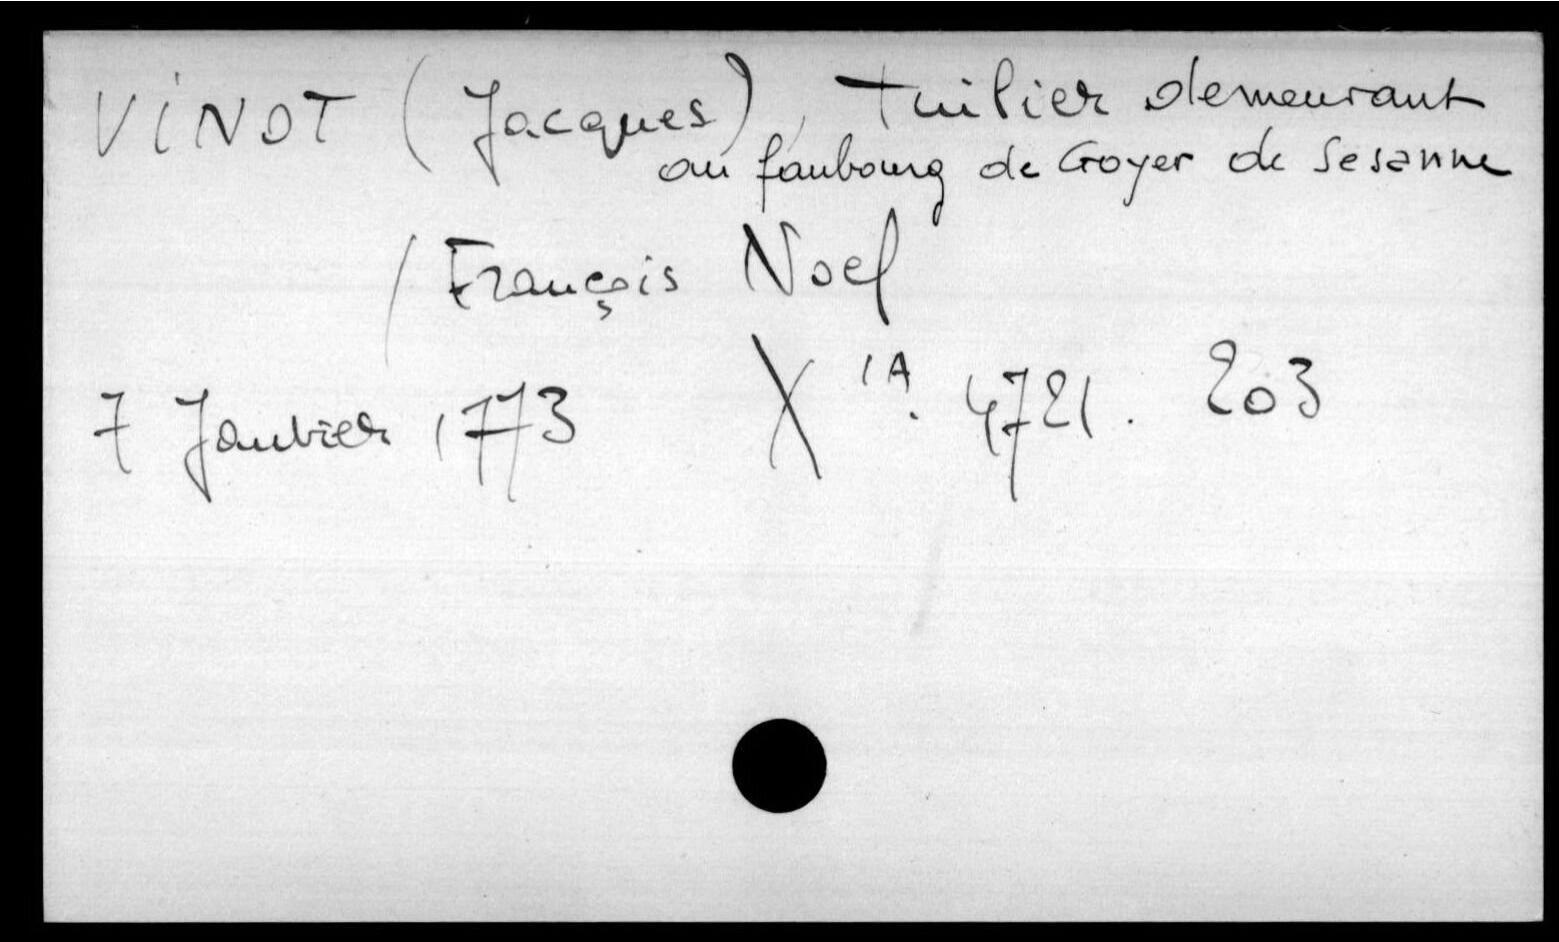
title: VINOT (Jacques), Tuilier demeurant au faubourg de Goyer de Sesanne
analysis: Contre François Noel
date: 7 janvier 1773
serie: X1A
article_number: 4721
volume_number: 203
